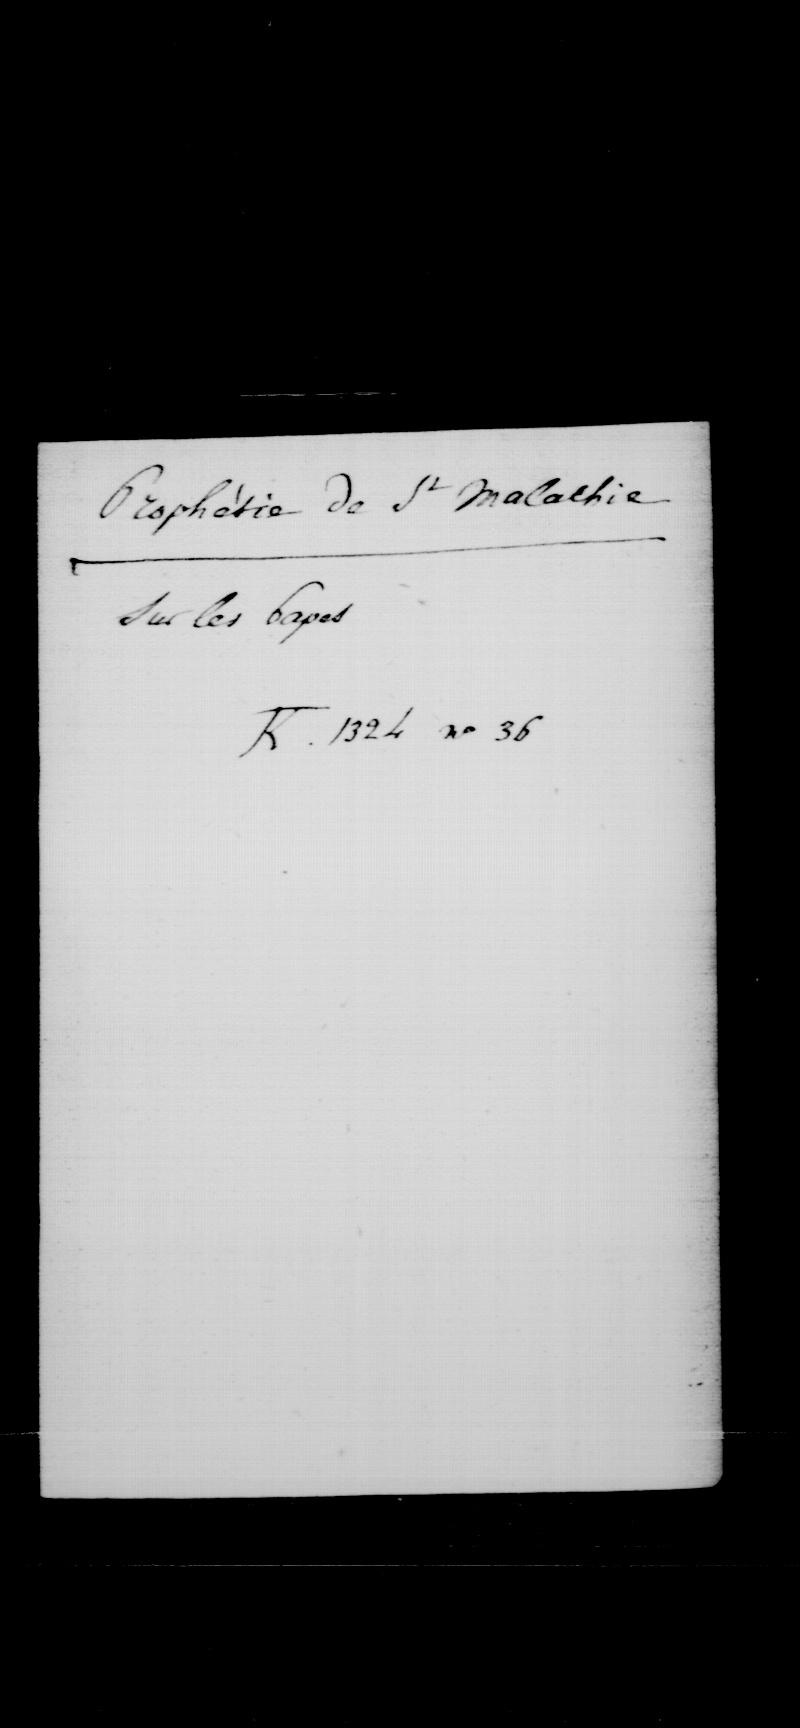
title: Prophétie de Saint Malachie
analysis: sur les papes
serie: K
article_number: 1324
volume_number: n° 36
